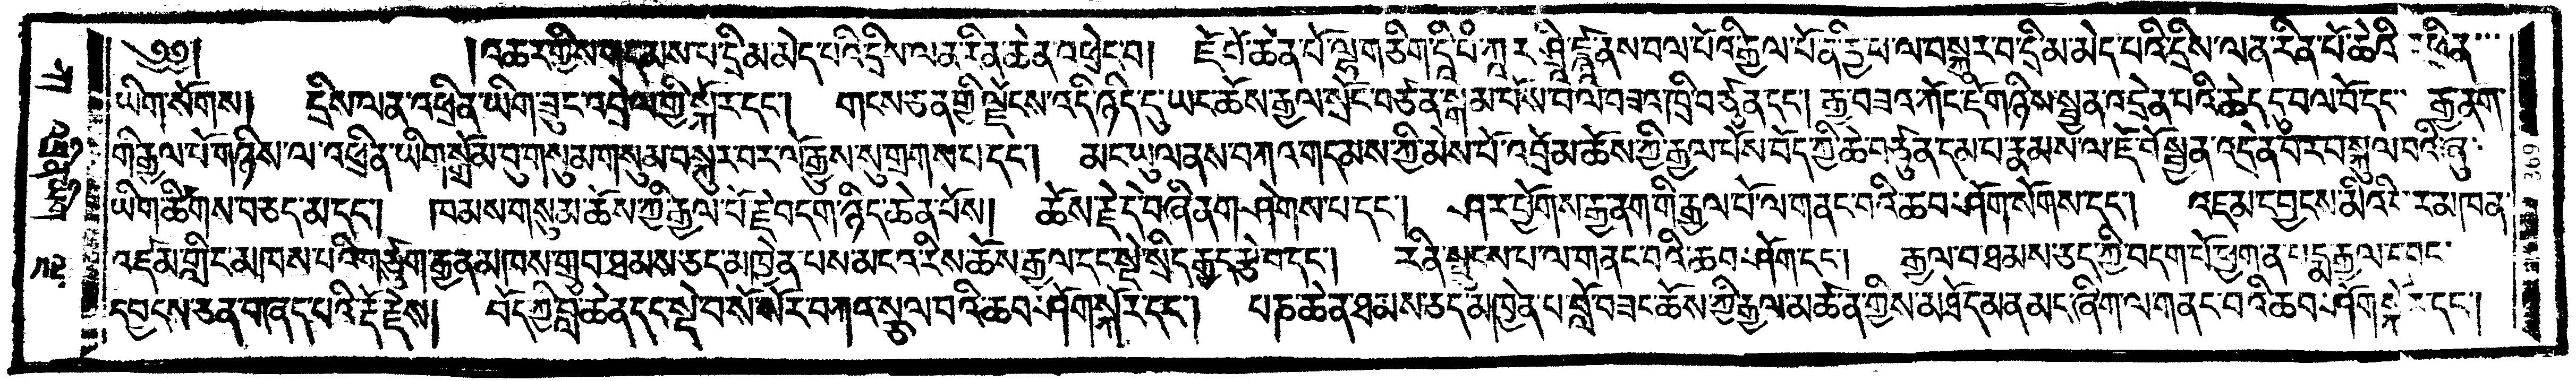༄༅། །འཆར་གྱིས་གདམས་པ་དྲི་མ་མེད་པའི་དྲིས་ལན་རིན་ཆེན་འཕྲེང་པ། ཇོ་བོ་ཆེན་པོ་ལྷ་གཅིག་དཱི་པཾ་ཀཱར་ཤྲཱི་ཛྙཱ་ནས་བལ་པོའི་རྱ་ཕ་ལ་བསྐུར་བ་དྲི་མ་མེད་པའི་དྲིས་ལན་རིན་པོ་ཆེའི་འཕྲིན?
ཡིག་སོགས། དྲིས་ལན་འཕྲིན་ཡིག་ཟུང་འབྲེལ་གྱི་སྐོར་དང་། གངས་ཅན་གྱི་ལྗོངས་འདི་ཉིད་དུ་ཡང་ཆོས་རྒྱལ་སྲོང་བཙན་སྒམ་པོས་བལ་བཟའ་ཁྲི་བཙུན་དང་། རྒྱ་བཟའ་ཀོང་ཇོ་གཉིས་སྦྱན་འདྲེན་པའི་ཆེད་དུ་བལ་བོ་དང་རྒྱ་ནག་
གི་རྒྱལ་པོ་གཉིས་ལ་འཕྲིན་ཡིག་སྒྲོམ་བུ་གསུམ་གསུམ་བསྐུར་བར་ལོ་རྒྱུས་སུ་གྲགས་པ་དང་། མང་ཡུལ་ནས་བཀའ་གདམས་ཀྱི་མེས་པོ་འབྲོམ་ཆོས་ཀྱི་རྒྱལ་པོས་བོད་ཀྱི་ཆེ་བཙུན་དམ་པ་རྣམས་ལ་ཇོ་བོ་སྤྱན་འདྲེན་པ་རབ་སྐུལ་བའི་ཞུ་
ཡིག་ཚིགས་བཅད་མ་དང་། །ཁམས་གསུམ་ཆོས་ཀྱི་རྒྱལ་པོ་རྗེ་བདག་ཉིད་ཆེན་པོས། ཆོས་རྗེ་དེ་བཞིན་གཤེགས་པ་དང་། ཤར་ཕྱོགས་རྒྱ་ནག་གི་རྒྱལ་པོ་ལ་གནང་བའི་ཆབ་ཤོག་སོགས་དང་། །འཇམ་དབྱངས་མི་འདི་ར་མཁན་
འཛམ་གླིང་མཁས་པའི་གཙུག་རྣན་མཁས་གྲུབ་ཐམས་ཅད་མཁྱེན་པས་ངའ་རིས་ཆོས་རྒྱལ་དང་སྡེ་སྲིད་རྒྱད་རྩེ་བ་དང་། རིན་སྤུངས་པ་ལ་གནང་བའི་ཆབ་ཤོག་དང་། རྒྱལ་བ་ཐམས་ཅད་ཀྱི་བདག་པོ་ཕྱག་ན་པདམ་རྒྱལ་དབང་
དབྱངས་ཅན་བཞད་པའི་རྡོ་རྗེས། །བོད་ཀྱི་བློ་ཆེན་དང་སྡེ་བསོ་སོར་བཀའ་སྩལ་བའི་ཆབ་ཤོག་སྐོར་དང་། པཎ་ཆེན་ཐམས་ཅད་མཁྱེན་པ་བློ་བཟང་ཆོས་ཀྱི་རྒྱལ་མཚན་གྱིས་མཐོད་མན་མང་ཞིག་ལ་གནང་བའི་ཆབ་ཤོག་སྐོར་དང་།